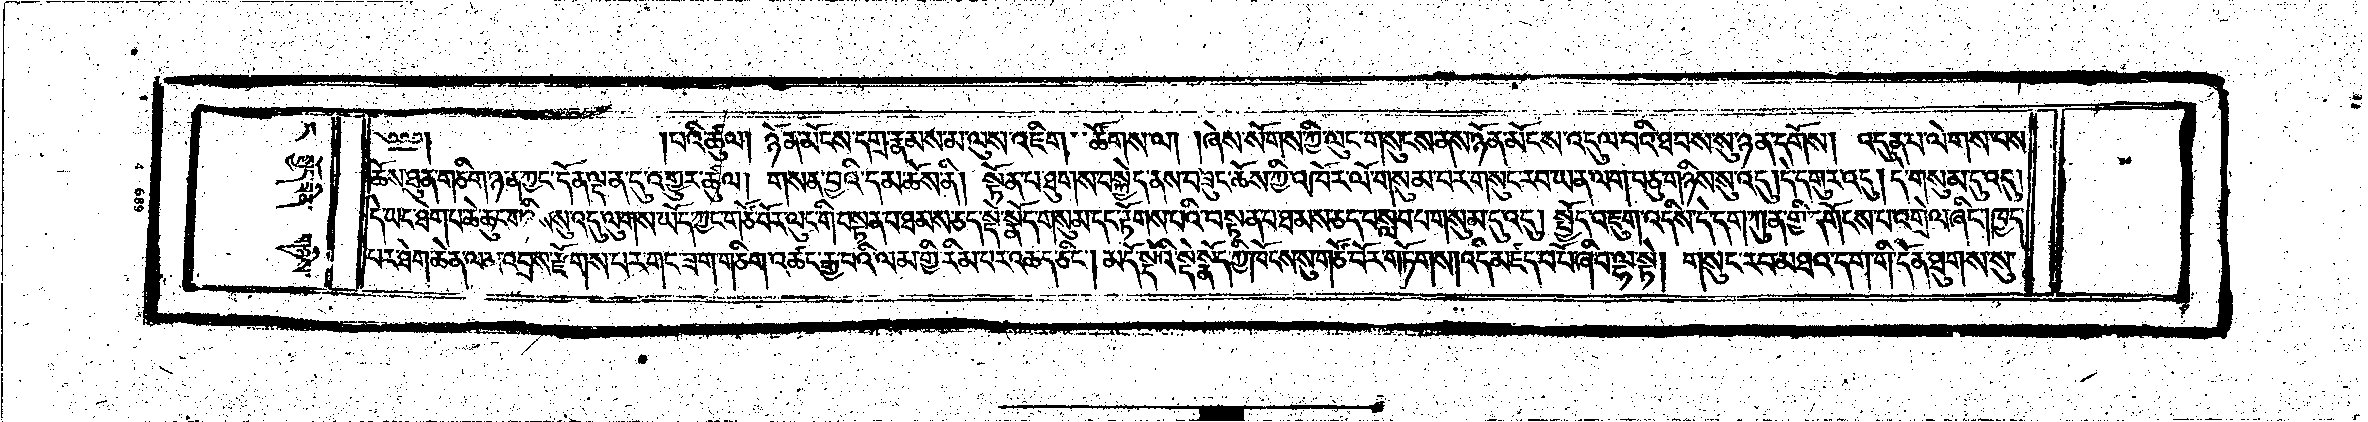༄༅༅། །པའི་ཚུལ། ཉོན་མོངས་དགྲ་རྣམས་མ་ལུས་འཇིག་ཚོགས་ལ། །ཞེས་སོགས་ཀྱི་ལུང་གསུངས་ནས་ཉོན་མོངས་འདུལ་བའི་ཐབས་སུ་ཉན་དགོས། འདུན་པ་ལེགས་པས་
ཆོས་ཐུན་གཅིག་ཉན་ཀྱང་དོན་ལྡན་དུ་འགྱུར་ཚུལ། གསན་བྱའི་དམ་ཆོས་ནི། སྟོན་པ་ཐུགས་བསྐྱེད་ནས་བཟུང་ཆོས་ཀྱི་འཁོར་ལོ་གསུམ་པར་གསུང་རབ་ཡན་ལག་བཅུ་གཉིས་སུ་འདུ། དེ་དགུར་འདུ། དེ་གསུམ་དུ་འདུ།
དེ་ཡང་ཐེག་པ་ཆེ་ཆུང་གཉིས་སུ་འདུ་ལུགས་ཡོད་ཀྱང་གཙོ་བོར་ལུང་གི་བསྟན་པ་ཐམས་ཅད་སྡེ་སྣོད་གསུམ་དང་རྟོགས་པའི་བསྟན་པ་ཐམས་ཅད་བསླབ་པ་གསུམ་དུ་འདུ། སྤྱོད་འཇུག་འདིས་དེ་དག་ཀུན་གྱི་དགོངས་པ་འགྲེལ་ཞིང་། ཁྱད་
པར་ཐེག་ཆེན་ལམ་འབྲས་རྫོགས་པར་གང་ཟག་གཅིག་འཚང་རྒྱ་བའི་ལམ་གྱི་རིམ་པར་འཆད་ཅིང་། མདོ་སྡེའི་སྡེ་སྣོད་ཀྱི་ཁོངས་སུ་གཙོ་བོར་གཏོགས། འདི་མཛད་པ་པོ་ཞིབ་ལྷ་སྟེ། གསུང་རབ་མཐའ་དག་གི་དོན་ཐུགས་སུ་